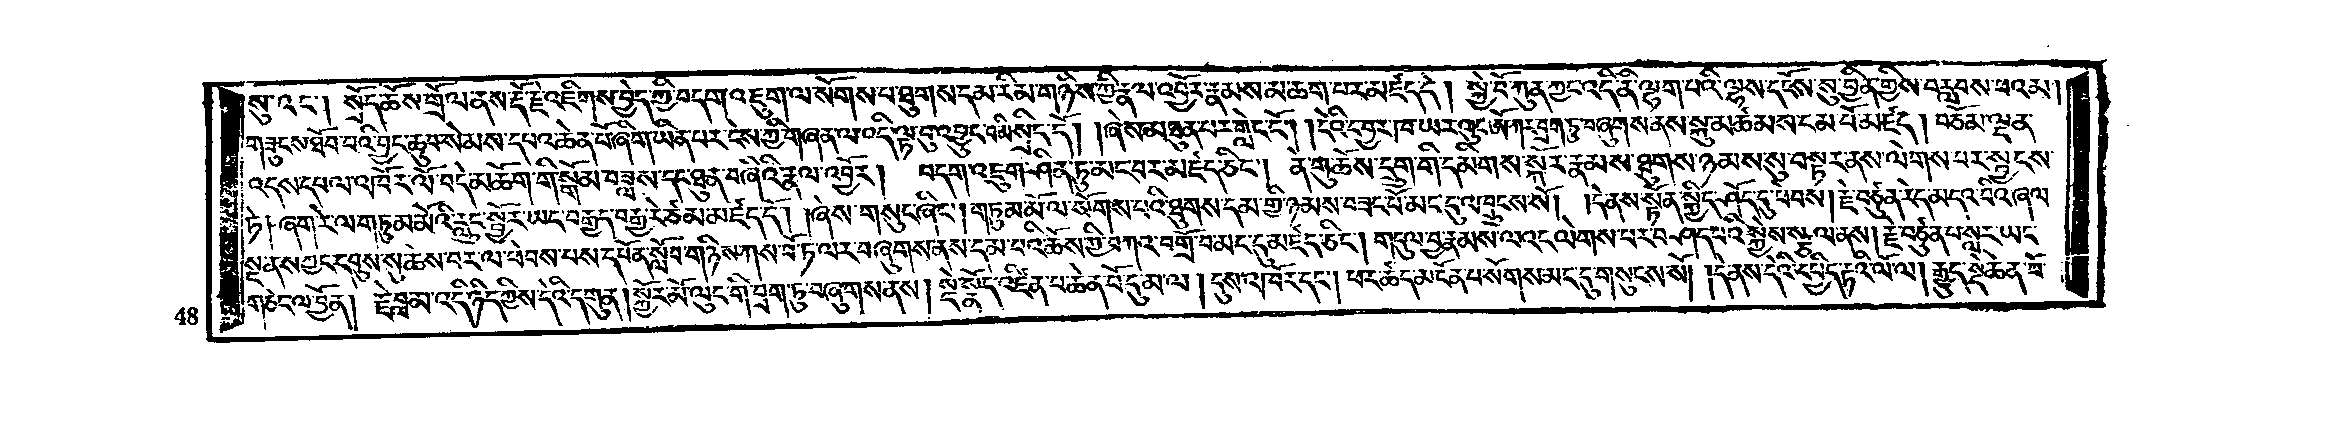སུ་འང་། སྲོད་ཆོས་གྲོལ་ནས་རྡོ་རྗེ་འཇིགས་བྱེད་ཀྱི་བདག་འཇུག་ལ་སོགས་པ་ཐུགས་དམ་རིམ་གཉིས་ཀྱི་རྣལ་འབྱོར་རྣམས་མ་ཆག་པར་མཛད་དེ། སྐྱེ་བོ་ཀུན་ཀྱང་འདི་ནི་ལྷག་པའི་ལྷས་དངོས་སུ་བྱིན་གྱིས་བརླབས་པའམ།
གཟུངས་ཐོབ་པའི་བྱང་ཆུབ་སེམས་དཔའ་ཆེན་པོ་ཞིག་ཡིན་པར་ངེས་ཀྱི་གཞན་ལ་འདི་ལྟ་བུ་འབྱུང་བ་མི་སྲིད་དོ། །ཞེས་མཐུན་པར་གླེང་ངོ། །དེའི་དབྱར་ཁ་ཡར་ལུང་ཨོ་ཀར་བྲག་ཏུ་བཞུགས་ནས་སྐུ་མཚམས་དམ་པོ་མཛད། བཅོམ་ལྡན་
འདས་དཔལ་འཁོར་ལོ་བདེ་མཆོག་གི་སྒོམ་བཟླས་དང་ཐུན་བཞིའི་རྣལ་འབྱོར། བདག་འཇུག་ཤིན་ཏུ་མང་བར་མཛད་ཅིང་། ནེ་གུ་ཆོས་དྲུག་གི་དམིགས་སྐོར་རྣམས་ཐུགས་ཉམས་སུ་བསྟར་ནས་ལེགས་པར་སྦྱངས་
ཏེ། ཞག་རེ་ལ་གཏུམ་མོའི་རླུང་སྦྱོར་ཡང་བརྒྱད་བརྒྱ་རེ་ཙམ་མཛད་དོ། །ཞེས་གསུང་ཞིང་། གཏུམ་མོ་ལ་སོགས་པའི་ཐུགས་དམ་གྱི་ཉམས་བཟང་པོ་མང་དུ་འཁྲུངས་སོ། །དེ་ནས་སྟོན་སྐྱིད་ཤོད་དུ་ཕེབས། རྗེ་བཙུན་རེད་མདའ་བའི་ཞལ་
སྔ་ནས་ཀྱང་དབུས་སུ་ཆེས་བར་ལ་ཕེབས་པས་དཔོན་སློབ་གཉིས་ཀས་བོ་ཏ་ལར་བཞུགས་ནས་དམ་པའི་ཆོས་ཀྱི་བཀའ་བགྲོ་བ་མང་དུ་མཛད་ཅིང་། གདུལ་བྱ་རྣམས་ལའང་ལེགས་པར་བཤད་པའི་སྐྱེས་སྩལ་ནས། རྗེ་བཙུན་པ་སླར་ཡང་
གཙང་ལ་བྱོན། རྗེ་བླ་མ་འདི་ཉིད་ཀྱིས་དེའི་དགུན་།སྐྱོར་མོ་ལུང་གི་བྲག་ཏུ་བཞུགས་ནས། སྡེ་སྣོད་འཛིན་པ་ཆེན་པོ་དུ་མ་ལ། དུས་འཁོར་དང་། ཕར་ཚད་མངོན་པ་སོགས་མང་དུ་གསུངས་སོ། །དེ་ནས་དེའི་དཔྱིད་རྟའི་ལོ་ལ། རྒྱུད་སྡེ་ཆེན་པོ་